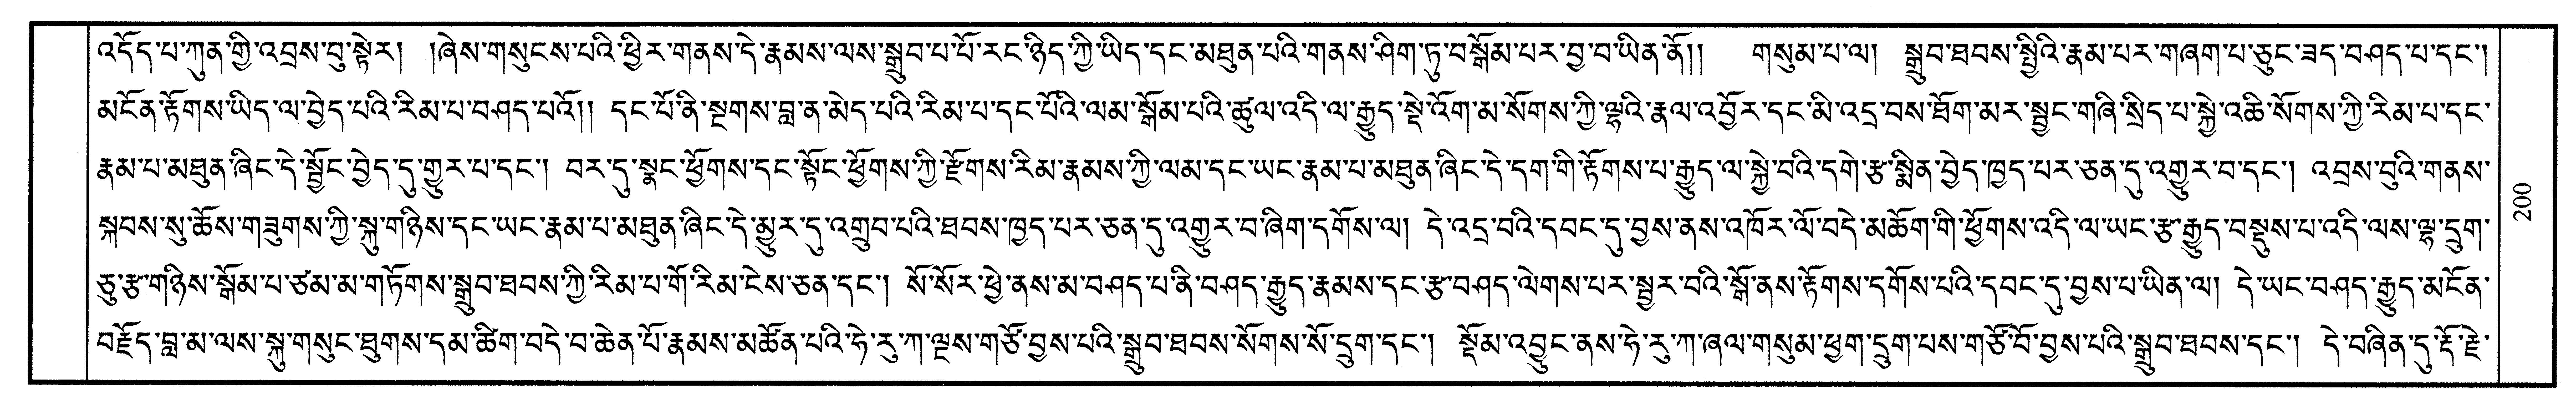འདོད་པ་ཀུན་གྱི་འབྲས་བུ་སྟེར། །ཞེས་གསུངས་པའི་ཕྱིར་གནས་དེ་རྣམས་ལས་སྒྲུབ་པ་པོ་རང་ཉིད་ཀྱི་ཡིད་དང་མཐུན་པའི་གནས་ཤིག་ཏུ་བསྒོམ་པར་བྱ་བ་ཡིན་ནོ།། གསུམ་པ་ལ། སྒྲུབ་ཐབས་སྤྱིའི་རྣམ་པར་གཞག་པ་ཅུང་ཟད་བཤད་པ་དང་།
མངོན་རྟོགས་ཡིད་ལ་བྱེད་པའི་རིམ་པ་བཤད་པའོ།། དང་པོ་ནི་སྔགས་བླ་ན་མེད་པའི་རིམ་པ་དང་པོའི་ལམ་སྒོམ་པའི་ཚུལ་འདི་ལ་རྒྱུད་སྡེ་འོག་མ་སོགས་ཀྱི་ལྷའི་རྣལ་འབྱོར་དང་མི་འདྲ་བས་ཐོག་མར་སྦྱང་གཞི་སྲིད་པ་སྐྱེ་འཆི་སོགས་ཀྱི་རིམ་པ་དང་
རྣམ་པ་མཐུན་ཞིང་དེ་སྦྱོང་བྱེད་དུ་གྱུར་པ་དང་། བར་དུ་སྣང་ཕྱོགས་དང་སྟོང་ཕྱོགས་ཀྱི་རྫོགས་རིམ་རྣམས་ཀྱི་ལམ་དང་ཡང་རྣམ་པ་མཐུན་ཞིང་དེ་དག་གི་རྟོགས་པ་རྒྱུད་ལ་སྐྱེ་བའི་དགེ་རྩ་སྨིན་བྱེད་ཁྱད་པར་ཅན་དུ་འགྱུར་བ་དང་། འབྲས་བུའི་གནས་
སྐབས་སུ་ཆོས་གཟུགས་ཀྱི་སྐུ་གཉིས་དང་ཡང་རྣམ་པ་མཐུན་ཞིང་དེ་མྱུར་དུ་འགྲུབ་པའི་ཐབས་ཁྱད་པར་ཅན་དུ་འགྱུར་བ་ཞིག་དགོས་ལ། དེ་འདྲ་བའི་དབང་དུ་བྱས་ནས་འཁོར་ལོ་བདེ་མཆོག་གི་ཕྱོགས་འདི་ལ་ཡང་རྩ་རྒྱུད་བསྡུས་པ་འདི་ལས་ལྷ་དྲུག་
ཅུ་རྩ་གཉིས་སྒོམ་པ་ཙམ་མ་གཏོགས་སྒྲུབ་ཐབས་ཀྱི་རིམ་པ་གོ་རིམ་ངེས་ཅན་དང་། སོ་སོར་ཕྱེ་ནས་མ་བཤད་པ་ནི་བཤད་རྒྱུད་རྣམས་དང་རྩ་བཤད་ལེགས་པར་སྦྱར་བའི་སྒོ་ནས་རྟོགས་དགོས་པའི་དབང་དུ་བྱས་པ་ཡིན་ལ། དེ་ཡང་བཤད་རྒྱུད་མངོན་
བརྗོད་བླ་མ་ལས་སྐུ་གསུང་ཐུགས་དམ་ཚིག་བདེ་བ་ཆེན་པོ་རྣམས་མཚོན་པའི་ཧེ་རུ་ཀ་ལྔས་གཙོ་བྱས་པའི་སྒྲུབ་ཐབས་སོགས་སོ་དྲུག་དང་། སྡོམ་འབྱུང་ནས་ཧེ་རུ་ཀ་ཞལ་གསུམ་ཕྱག་དྲུག་པས་གཙོ་བོ་བྱས་པའི་སྒྲུབ་ཐབས་དང་། དེ་བཞིན་དུ་རྡོ་རྗེ་